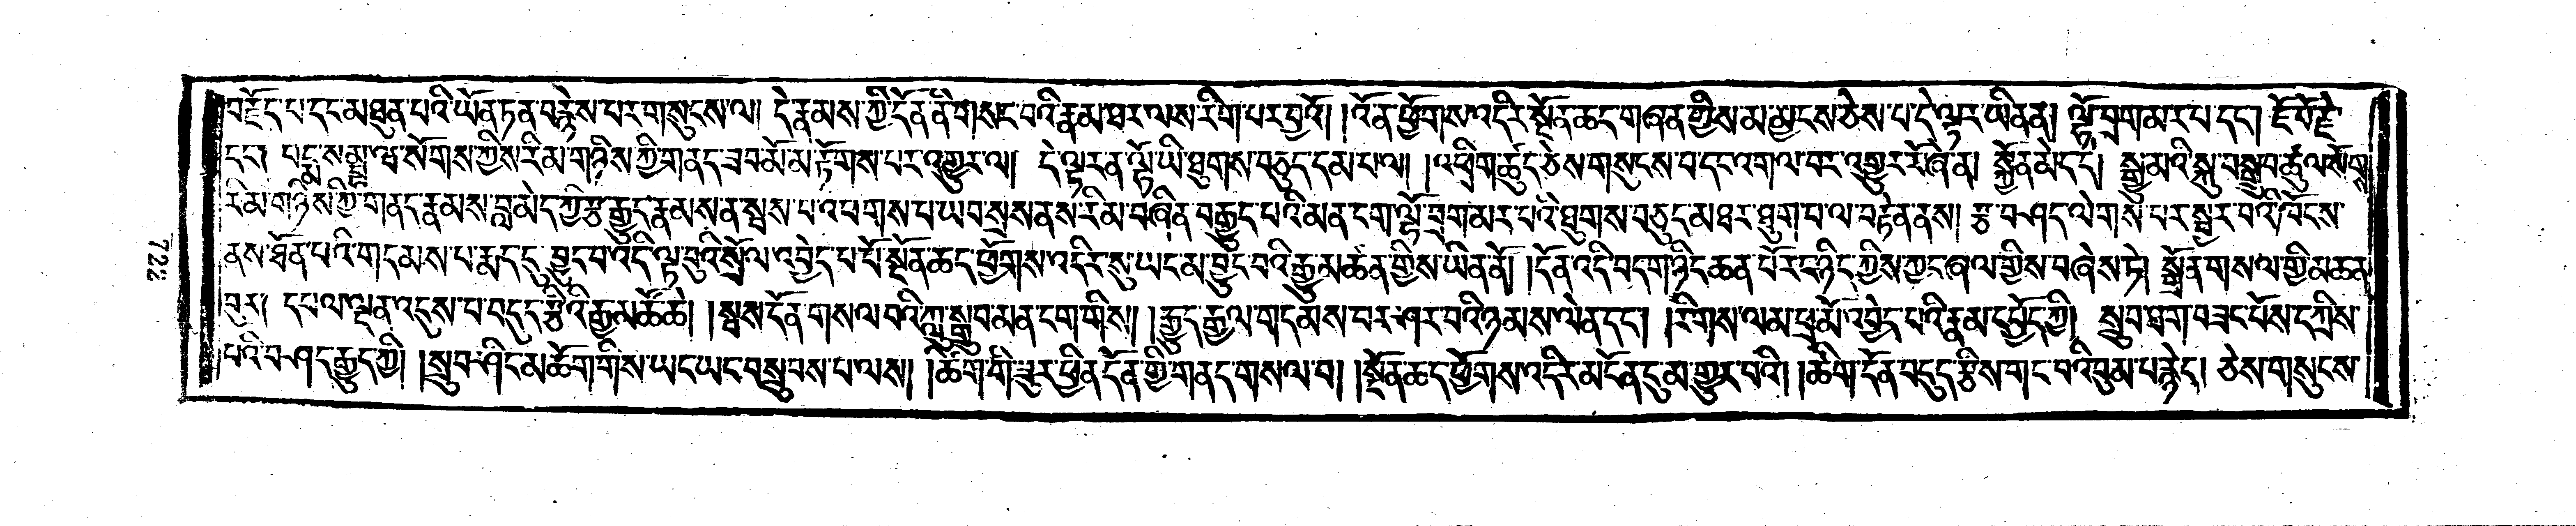བརྗོད་པ་དང་མཐུན་པའི་ཡོན་ཏན་བརྙེས་པར་གསུངས་ལ། དེ་རྣམས་ཀྱི་དོན་ནི་གསང་བའི་རྣམ་ཐར་ལས་རིག་པར་བྱའོ། །འོ་ནི་ཕྱོགས་འདིར་སྔོན་ཆད་གཞན་གྱིས་མ་མྱངས་ཅེས་པ་དེ་ལྟར་ཡིན་ན། ལྷོ་བྲག་མར་པ་དང་། ཇོ་བོ་རྗེ་
དང་། པདམ་སམྦྷ་ཝ་སོགས་ཀྱིས་རིམ་གཉིས་ཀྱི་གནད་ཟབ་མོ་མ་རྟོགས་པར་འགྱུར་ལ། དེ་ལྟར་ན་ལྷོ་ཡི་ཐུགས་བཅུད་དམ་པ་ལ། །འཕྲིག་ཚུད་ཅེས་གསུངས་པ་དང་འགལ་བར་འགྱུར་རོ་ཞེ་ན། སྐྱོན་མེད་དེ། སྒྱུ་མའི་སྐུ་བསྒྲུབ་ཚུལ་སོགས་
རིམ་གཉིས་ཀྱི་གནད་རྣམས་བླ་མེད་ཀྱི་རྩ་རྒྱུད་རྣམས་ན་སྦས་པ་འཕགས་པ་ཡབ་སྲས་ནས་རིམ་བཞིན་བརྒྱུད་པའི་མན་ངག་ལྷོ་བྲག་མར་པའི་ཐུགས་བཅུད་མཐར་ཐུག་པ་ལ་བརྟེན་ནས། རྩ་བཤད་ལེགས་པར་སྦྱར་བའི་ཁོངས་
ནས་ཐོན་པའི་གདམས་པ་རྨད་དུ་བྱུང་བ་འདི་ལྟ་བུའི་སྲོལ་འབྱེད་པ་པོ་སྔོན་ཆད་ཕྱོགས་འདིར་སུ་ཡང་མ་བྱུང་བའི་རྒྱུ་མཚན་གྱིས་ཡིན་ནོ། །དོན་འདི་བདག་ཉིད་ཆེན་པོ་རང་ཉིད་ཀྱིས་ཀྱང་ཞལ་གྱིས་བཞེས་ཏེ། སྒྲོན་གསལ་གྱི་མཆན་
བུར༑ དཔལ་ལྡན་འདུས་པ་བདུད་རྩིའི་རྒྱ་མཚོ་ཆེ། །སྦས་དོན་གསལ་བའི་ཀླུ་སྒྲུབ་མན་ངག་གིས། །རྒྱུད་རྒྱལ་གདམས་པར་ཤར་བའི་ཉམས་ལེན་དང་། །རིགས་ལམ་ཕྲ་མོ་འབྱེད་པའི་རྣམ་དཔྱོད་ཀྱི། །སྲུབ་ཐག་བཟང་པོས་དཀྲིས་
པའི་བཤད་རྒྱུད་ཀྱི། །སྲུབ་ཤིང་མཆོག་གིས་ཡང་ཡང་བསྲུབས་པ་ལས། །ཚིག་གི་ཟུར་ཕྱིན་དོན་གྱི་གནད་གསལ་བ། །སྔོན་ཆད་ཕྱོགས་འདིར་མངོན་དུ་མ་གྱུར་པའི། །ཚིག་དོན་བདུད་རྩིས་གང་བའི་བུམ་པ་རྙེད། ཅེས་གསུངས་